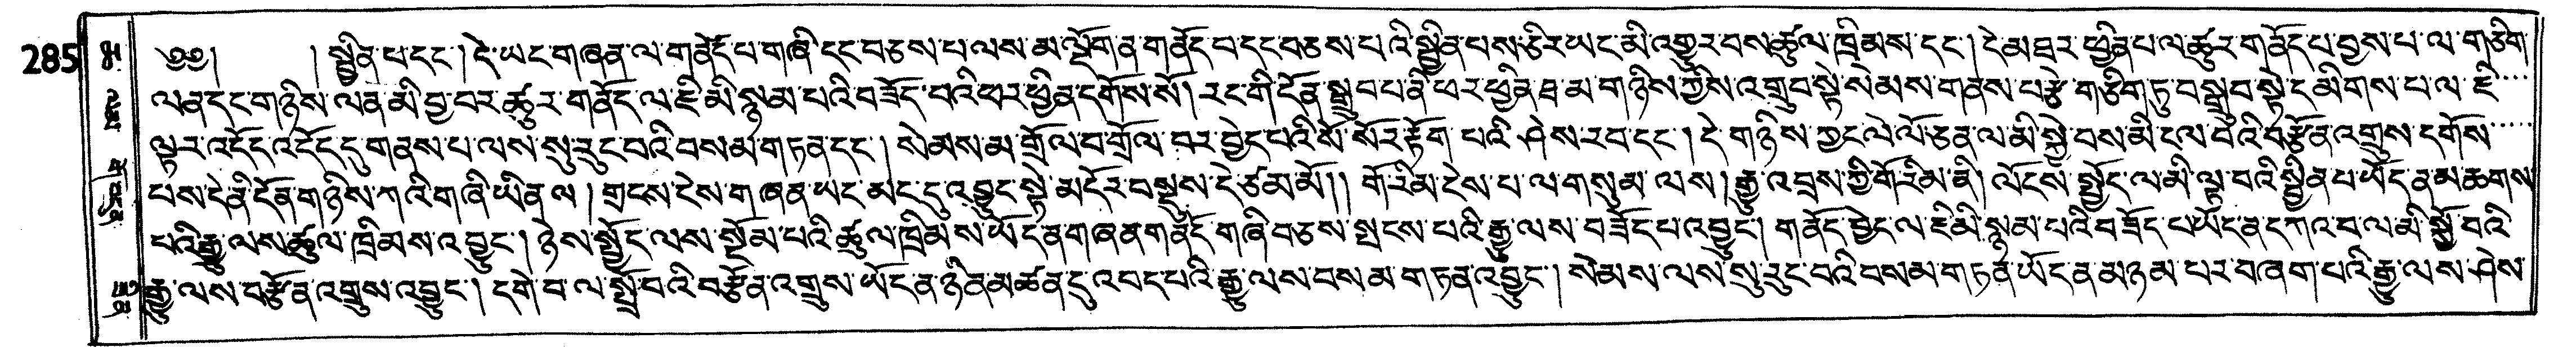༄༅། །སྦྱིན་པ་དང་། དེ་ཡང་གཞན་ལ་གནོད་པ་གཞི་དང་བཅས་པ་ལས་མ་ལྡོག་ན་གནོད་བ་དང་བཅས་པའི་སྦྱིན་པས་ཅིར་ཡང་མི་འགྱུར་བས་ཚུལ་ཁྲིམས་དང་། དེ་མཐར་ཕྱིན་པ་ལ་ཚུར་གནོད་པ་བྱས་པ་ལ་གཅིག་
ལན་དང་གཉིས་ལན་མི་བྱ་བར་ཚུར་གནོད་ལ་ཇི་མི་སྙམ་པའི་བཟོད་པའི་ཕར་ཕྱིན་དགོས་སོ། རང་གི་དོན་སྒྲུབ་པ་ནི་ཕར་ཕྱིན་ཐ་མ་གཉིས་ཀྱིས་འགྲུབ་སྟེ་སེམས་གནས་པ་རྩེ་གཅིག་ཏུ་བསྒྲུབ་སྟེ་དམིགས་པ་ལ་ཇི་
ལྟར་འདོད་འདོད་དུ་གནས་པ་ལས་སུ་རུང་བའི་བསམ་གཏན་དང་། སེམས་མ་གྲོལ་བ་གྲོལ་བར་བྱེད་པའི་སོ་སོར་རྟོག་པའི་ཤེས་རབ་དང་། དེ་གཉིས་ཀྱང་ལེ་ལོ་ཅན་ལ་མི་སྐྱེ་བས་མི་ངལ་བའི་བརྩོན་འགྲུས་དགོས་
པས་དེ་ནི་དོན་གཉིས་ཀའི་གཞི་ཡིན་ལ། གྲངས་ངེས་གཞན་ཡང་མང་དུ་འབྱུང་སྟེ་མདོར་བསྡུས་དེ་ཙམ་མོ། །གོ་རིམ་ངེས་པ་ལ་གསུམ་ལས། རྒྱུ་འབྲས་ཀྱི་གོ་རིམ་ནི། ལོངས་སྤྱོད་ལ་མི་ལྟ་བའི་སྦྱིན་པ་ཡོད་ན་མ་ཆགས་
པའི་རྒྱུ་ལས་ཚུལ་ཁྲིམས་འབྱུང་། ཉེས་སྤྱོད་ལས་སྡོམ་པའི་ཚུལ་ཁྲིམས་ཡོད་ན་གཞན་གནོད་གཞི་བཅས་སྤངས་པའི་རྒྱུ་ལས་བཟོད་པ་འབྱུང་། གནོད་བྱེད་ལ་ཇི་མི་སྙམ་པའི་བཟོད་པ་ཡོད་ན་དཀའ་བ་ལ་མི་སྐྱོ་བའི་
རྒྱུ་ལས་བརྩོན་འགྲུས་འབྱུང་། དགེ་བ་ལ་སྤྲོ་བའི་བརྩོན་འགྲུས་ཡོད་ན་ཉིན་མཚན་དུ་འབད་པའི་རྒྱུ་ལས་བསམ་གཏན་འབྱུང་། སེམས་ལས་སུ་རུང་བའི་བསམ་གཏན་ཡོད་ན་མཉམ་པར་བཞག་པའི་རྒྱུ་ལས་ཤེས་